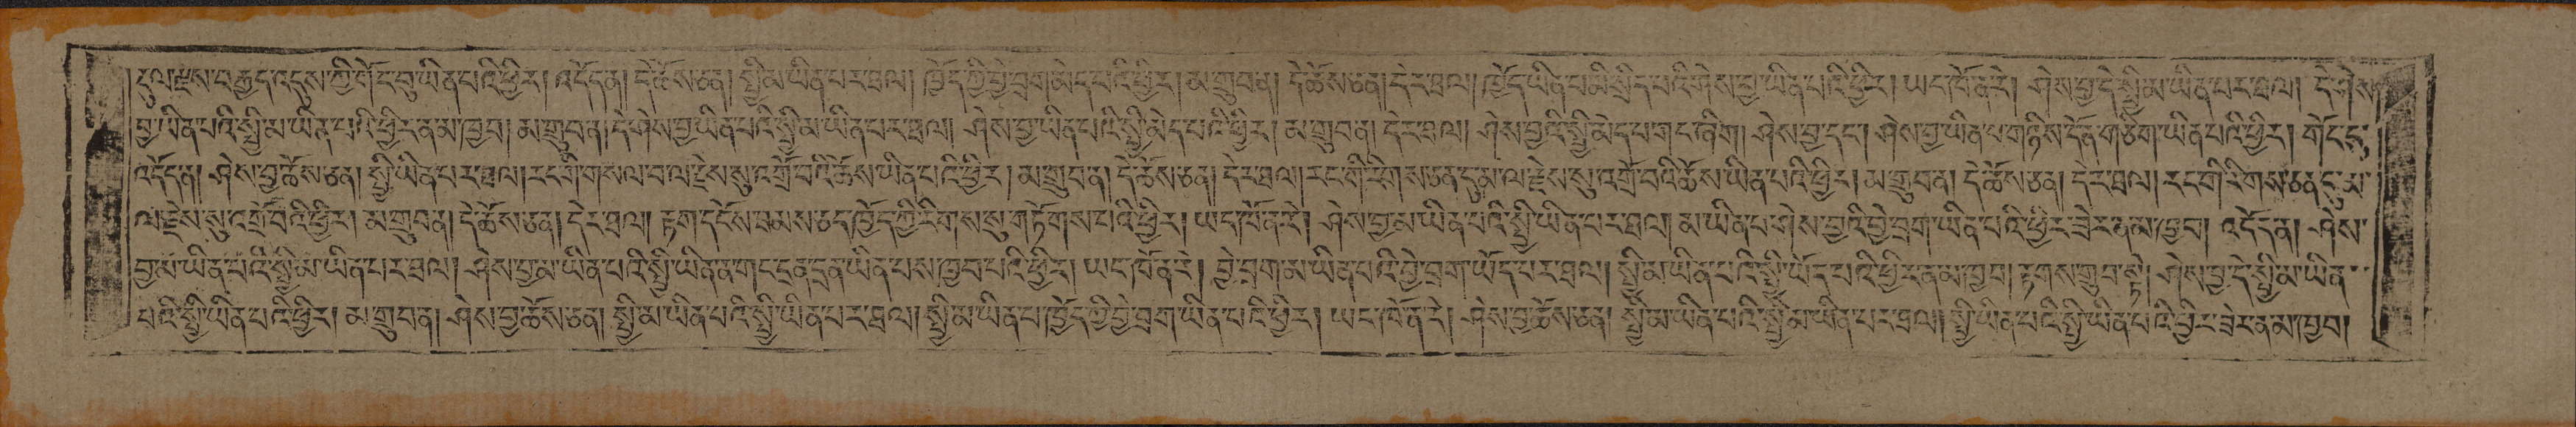རྡུལ་རྫས་བརྒྱད་འདུས་ཀྱི་གོང་བུ་ཡིན་པའི་ཕྱིར། འདོད་ན། དེ་ཆོས་ཅན། སྤྱི་མ་ཡིན་པར་ཐལ། ཁྱོད་ཀྱི་བྱེ་བྲག་མེད་པའི་ཕྱིར། མ་གྲུབ་ན། དེ་ཆོས་ཅན། དེར་ཐལ། ཁྱོད་ཡིན་པ་མི་སྲིད་པའི་ཤེས་བྱ་ཡིན་པའི་ཕྱིར། ཡང་ཁོ་ན་རེ། ཤེས་བྱ་དེ་སྤྱི་མ་ཡིན་པར་ཐལ། དེ་ཤེས་
བྱ་ཡིན་པའི་སྤྱི་མ་ཡིན་པའི་ཕྱིར་ན་མ་ཁྱབ། མ་གྲུབ་ན། དེ་ཤེས་བྱ་ཡིན་པའི་སྤྱི་མ་ཡིན་པར་ཐལ། ཤེས་བྱ་ཡིན་པའི་སྤྱི་མེད་པའི་ཕྱིར། མ་གྲུབ་ན། དེར་ཐལ། ཤེས་བྱའི་སྤྱི་མེད་པ་གང་ཞིག །ཤེས་བྱ་དང་། ཤེས་བྱ་ཡིན་པ་གཉིས་དོན་གཅིག་ཡིན་པའི་ཕྱིར། གོང་དུ་
འདོད་ན། ཤེས་བྱ་ཆོས་ཅན། སྤྱི་ཡིན་པར་ཐལ། རང་གི་གསལ་བ་ལ་རྗེས་སུ་འགྲོ་བའི་ཆོས་ཡིན་པའི་ཕྱིར། མ་གྲུབ་ན། དེ་ཆོས་ཅན། དེར་ཐལ། རང་གི་རིགས་ཅན་དུ་མ་ལ་རྗེས་སུ་འགྲོ་བའི་ཆོས་ཡིན་པའི་ཕྱིར། མ་གྲུབ་ན། དེ་ཆོས་ཅན། དེར་ཐལ། རང་གི་རིགས་ཅན་དུ་མ་
ལ་རྗེས་སུ་འགྲོ་བའི་ཕྱིར། མ་གྲུབ་ན། དེ་ཆོས་ཅན། དེར་ཐལ། རྟག་དངོས་ཐམས་ཅད་ཁྱོད་ཀྱི་རིགས་སུ་གཏོགས་པའི་ཕྱིར། ཡང་ཁོ་ན་རེ། ཤེས་བྱ་མ་ཡིན་པའི་སྤྱི་ཡིན་པར་ཐལ། མ་ཡིན་པ་ཤེས་བྱའི་བྱེ་བྲག་ཡིན་པའི་ཕྱིར་ཟེར་ན་མ་ཁྱབ། འདོད་ན། ཤེས་
བྱ་མ་ཡིན་པའི་སྤྱི་མ་ཡིན་པར་ཐལ། ཤེས་བྱ་མ་ཡིན་པའི་སྤྱི་ཡིན་ན་གང་དྲན་དྲན་ཡིན་པས་ཁྱབ་པའི་ཕྱིར། ཡང་ཁོ་ན་རེ། བྱེ་བྲག་མ་ཡིན་པའི་བྱེ་བྲག་ཡོད་པར་ཐལ། སྤྱི་མ་ཡིན་པའི་སྤྱི་ཡོད་པའི་ཕྱིར་ན་མ་ཁྱབ། རྟགས་གྲུབ་སྟེ། ཤེས་བྱ་དེ་སྤྱི་མ་ཡིན།
པའི་སྤྱི་ཡིན་པའི་ཕྱིར། མ་གྲུབ་ན། ཤེས་བྱ་ཆོས་ཅན། སྤྱི་མ་ཡིན་པའི་སྤྱི་ཡིན་པར་ཐལ། སྤྱི་མ་ཡིན་པ་ཁྱོད་ཀྱི་བྱེ་བྲག་ཡིན་པའི་ཕྱིར། ཡང་ཁོ་ན་རེ། ཤེས་བྱ་ཆོས་ཅན། སྤྱི་མ་ཡིན་པའི་སྤྱི་མ་ཡིན་པར་ཐལ། སྤྱི་ཡིན་པའི་སྤྱི་ཡིན་པའི་ཕྱིར་ཟེར་ན་མ་ཁྱབ།